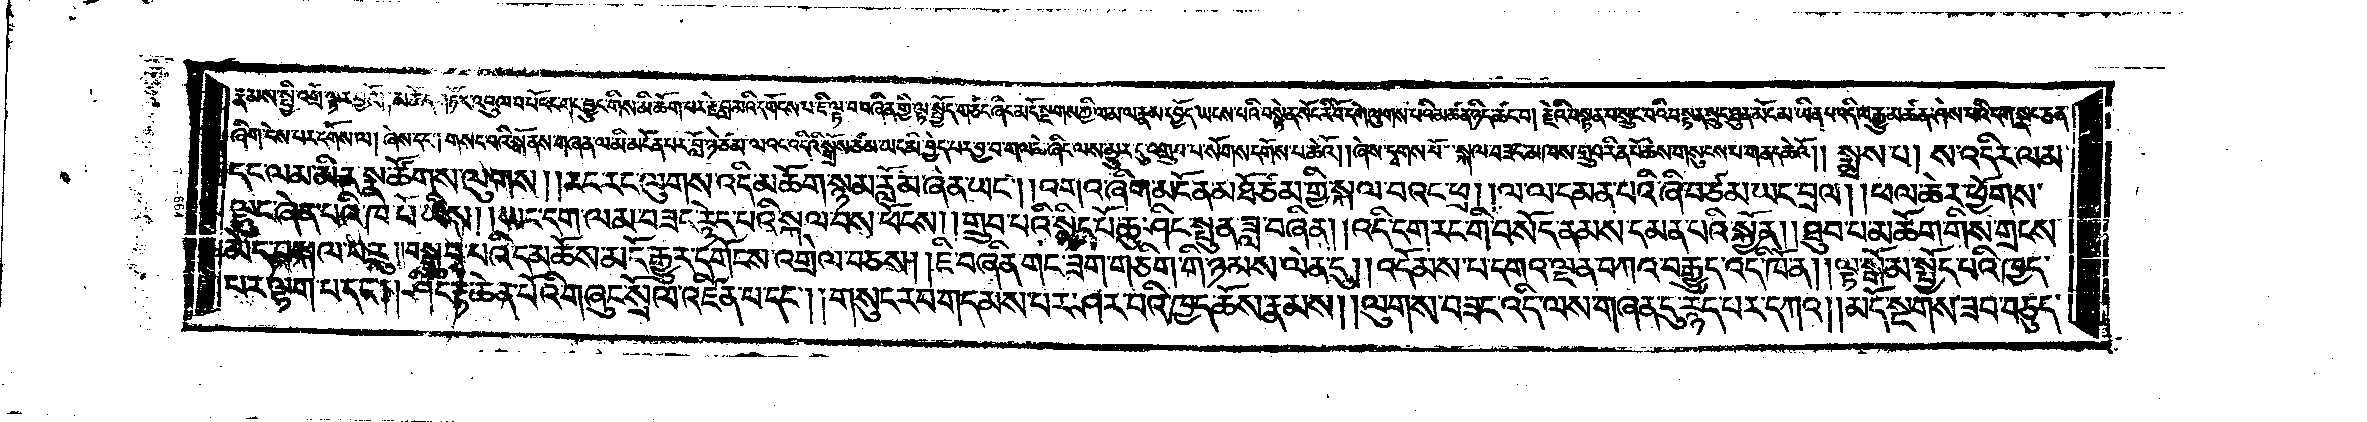རྣམས་སྤྱི་འགྲོ་ལྟར་བྱའོ། །མཆོད་གཏོང་འབུལ་བ་བོང་ངག་དབྱུང་གིས་མི་ཆོག་པར་རྗེ་བླ་མའི་དགོངས་པ་ཇི་ལྟ་བ་བཞིན་གྱི་ལྟ་སྤྱོད་གཙང་ཞིང་མདོ་སྔགས་ཀྱི་ལམ་ལ་རྣམ་དཔྱོད་ཡངས་པའི་བསྙེན་སོང་རི་པོ་དགེ་ལུགས་པའི་མཚན་ཉིད་ཚང་བ། རྗེའི་བསྟན་བསྲུང་བའི་བསྟན་སྲུང་ཐུན་མོང་མ་ཡིན་རབ་དེ་ལ་རྒྱུ་མཚན། ཞེས་པའི་དག་སྨད་ཅན་
ཞིག་ངེས་པར་དགོས་ལ། ཞེས་དང་། གསང་བའི་སྒོ་ནས་གཞན་ལ་མི་མངོན་པར་བློ་ཉེ་ཙམ་ལ་འང་འདིའི་སྒྲོས་ཙམ་ཡང་མི་བྱེད་པར་བྱ་བ་གལ་ཆེ་ཞིང་ལས་མྱུར་དུ་འགྲུབ་པ་སོགས་དགོས་པ་ཆེའོ། །ཞེས་དྭགས་འོ་སྐལ་བཟང་མཁས་གྲུབ་རིན་པོ་ཆེས་གསུངས་པ་གནད་ཆེའོ།། སྨྲས་པ། ས་འདིར་ལམ་
དང་ལམ་མིན་སྣ་ཚོགས་ལུགས། །རང་རང་ལུགས་འཇམ་ཆོག་སྙམ་རློམ་ཞེན་ལང་། །འགའ་ཞིག་མངོན་མཐོ་ཙམ་གྱི་སྐལ་པའང་ཕྲ། །ལ་ལ་དམན་པའི་ཞིབ་ཙམ་ཡང་བྲལ། །ཕལ་ཆེར་ཕྱོགས་
?་ཞེན་པའི་ཁ་ཕོ་ཡིས། །ཡང་དག་ལམ་པ་ཐང་རྙེད་པའི་སྐལ་བས་ཕོངས། །གྲུབ་པའི་སྙིང་པོ་ཆུ་ཤིང་སྤུན་ཟླ་བཞིན། །འདི་དག་རང་གི་བསོད་ནམས་དམན་པའི་སྐྱོན། །ཐུབ་པ་མཆོག་གིས་གྲངས་
མེད་བསྐལ་པ་རུ། །བསྒྲུབས་པའི་དམ་ཆོས་མདོ་རྒྱུད་དགོངས་འགྲེལ་བཅས། །ཇི་བཞིན་གང་ཟག་གཅིག་གི་ཉམས་ལེན་དུ། ། འདོམས་པ་དགའ་ལྡན་བཀའ་བརྒྱུད་འདི་ཁོ་ན། །ལྟ་སྒོམ་སྤྱོད་པའི་ཁྱད་
པར་ལྷག་པ་དང་། །ཤིང་རྟ་ཆེན་པོའི་གཞུང་སྲོལ་འཛིན་པ་དང་། །གསུང་རབ་གདམས་པར་ཤར་བའི་ཁྱད་ཆོས་རྣམས། །ལུགས་བཟང་འདི་ལས་གཞན་དུ་རྙད་པར་དཀའ། །མདོ་སྔགས་ཟབ་བཅུད་